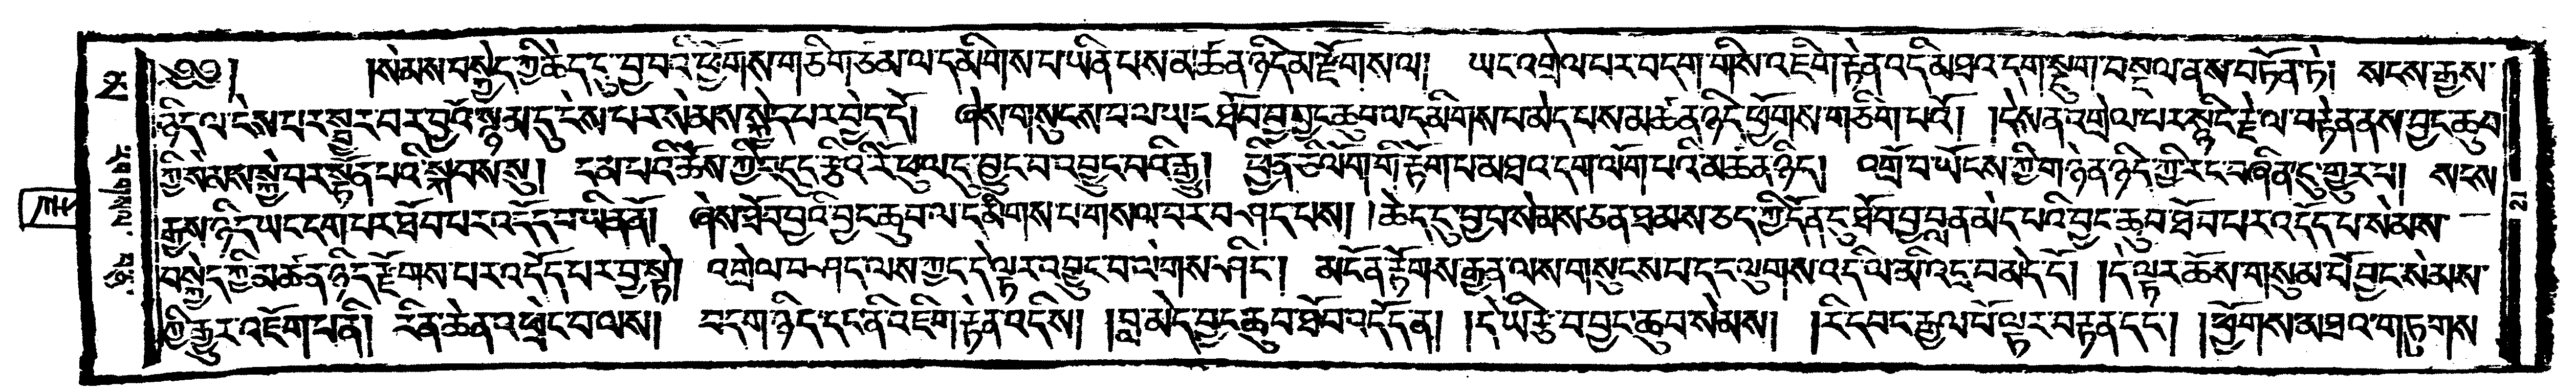༄༅། །སེམས་བསྐྱེད་ཀྱི་ཆེད་དུ་བྱ་བའི་ཕྱོགས་གཅིག་ཙམ་ལ་དམིགས་པ་ཡིན་པས་མཚན་ཉིད་མ་རྫོགས་ལ། ཡང་འགྲེལ་པར་བདག་གིས་འཇིག་རྟེན་འདི་མཐའ་དག་སྡུག་བསྔལ་ནས་བཏོན་ཏེ། སངས་རྒྱས་
ཉིད་ལ་ངེས་བར་སྦྱར་བར་བྱའོ་སྙམ་དུ་ངེས་པར་སེམས་སྐྱེད་པར་བྱེད་དོ། ཞེས་གསུངས་པ་ལ་ཡང་ཐོབ་བྱ་བྱང་ཆུབ་ལ་དམིགས་པ་མེད་པས་མཚན་ཉིད་ཕྱོགས་གཅིག་པའོ། །དེས་ན་འགྲེལ་པར་སྙིང་རྗེ་ལ་བརྟེན་ནས་བྱང་ཆུབ་
ཀྱི་སེམས་སྐྱེ་བར་སྟོན་པའི་སྐབས་སུ། དམ་པའི་ཆོས་ཀྱི་བདུད་རྩིའི་རོ་ཕུལ་དུ་བྱུང་བ་འབྱུང་བའི་རྒྱུ། ཕྱིན་ཅི་ལོག་གི་རྟོག་པ་མཐའ་དག་ལོག་པའི་མཚན་ཉིད། འགྲོ་བ་ཡོངས་ཀྱི་གཉེན་ཉིད་ཀྱི་རང་བཞིན་དུ་གྱུར་པ། སངས་
རྒྱས་ཉིད་ཡང་དག་པར་ཐོབ་པར་འདོད་པ་ཡིན་ནོ། ཞེས་ཐོབ་བྱའི་བྱང་ཆུབ་ལ་དམིགས་པ་གསལ་བར་བཤད་པས། ཆེད་དུ་བྱ་བ་སེམས་ཅན་ཐམས་ཅད་ཀྱི་དོན་དུ་ཐོབ་བྱ་བླ་ན་མེད་པའི་བྱང་ཆུབ་ཐོབ་པར་འདོད་པ་སེམས་
བསྐྱེད་ཀྱི་མཚན་ཉིད་རྫོགས་པར་འདོད་པར་བྱ་སྟེ། འགྲེལ་བཤད་ལས་ཀྱང་དེ་ལྟར་འབྱུང་བ་ལེགས་ཤིང་། མངོན་རྟོགས་རྒྱན་ལས་གསུངས་པ་དང་ལུགས་འདི་ལ་མི་འདྲ་བ་མེད་དོ། །དེ་ལྟར་ཆོས་གསུམ་པོ་བྱང་སེམས་
ཀྱི་རྒྱུར་འཇོག་པ་ནི། རིན་ཆེན་འཕྲེང་བ་ལས། བདག་ཉིད་དང་ནི་འཇིག་རྟེན་འདིས། །བླ་མེད་བྱང་ཆུབ་ཐོབ་འདོད་ན། །དེ་ཡི་རྩ་བ་བྱང་ཆུབ་སེམས། །རི་དབང་རྒྱལ་པོ་ལྟར་བརྟན་དང་། །ཕྱོགས་མཐའ་གཏུགས་